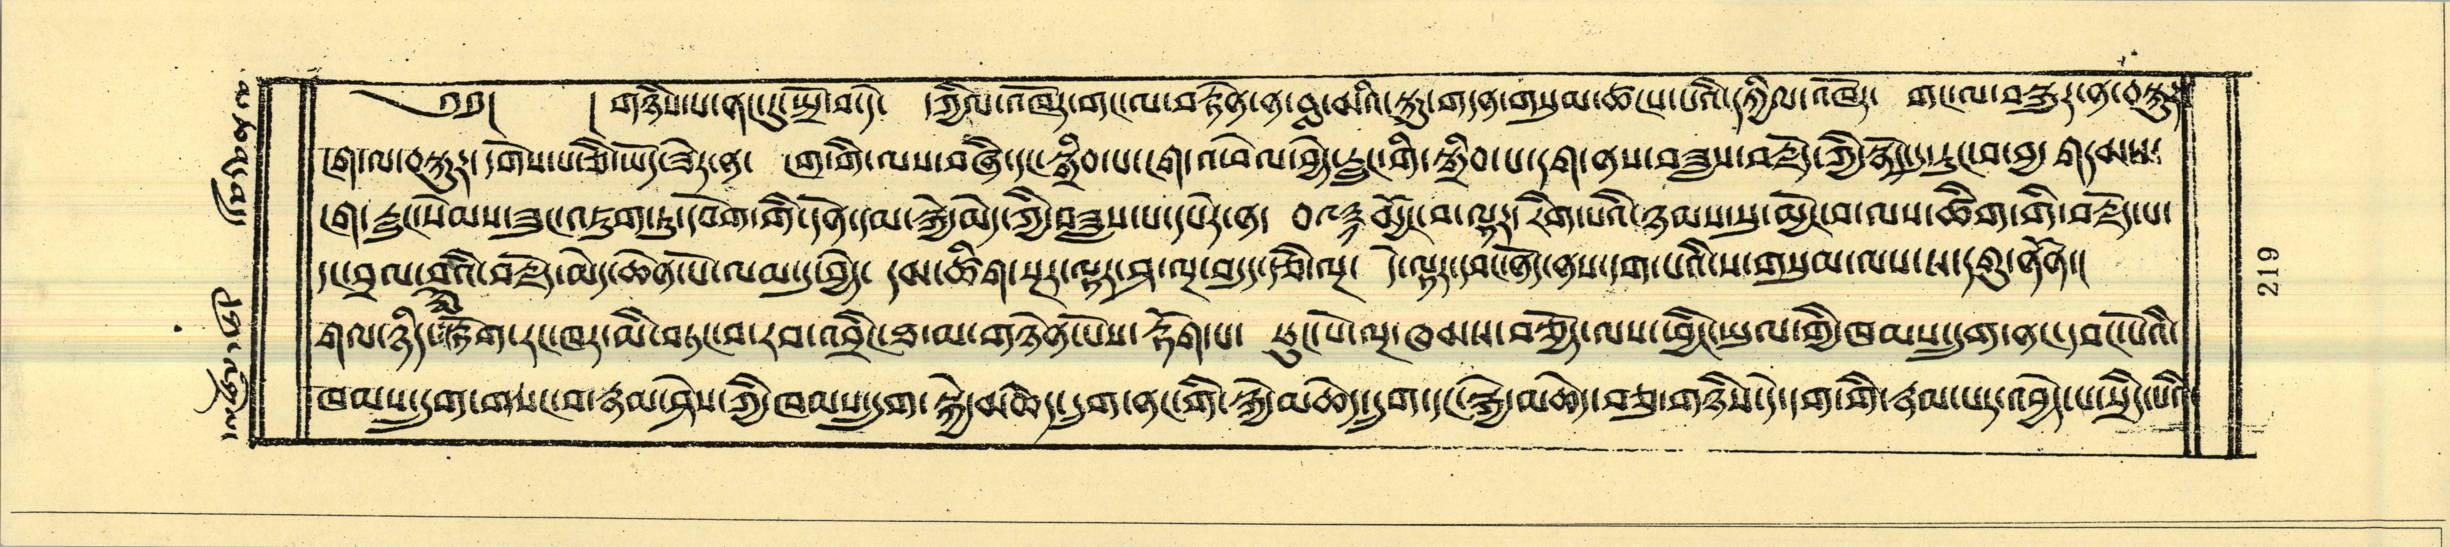གཉིས་པ་ནང་དུ་སྤྲོ་བ་དེ། དཀྱིལ་འཁོར་གང་ལ་བརྟེན་ན་ ༼བླ་མའི་སྐུ་༽གདན་གསུམ་ཚངས་པའི་ད ༼དཀྱིལ་༽འཁོར། གང་ལ་བསྐུར་ན་ ༼བསྐུར་
ངག་ལ་བསྐུར་༽དགོས་པ་ཅི་ཡོད་ཟེར་ན། ངག་གི་ལས་བཞི་དང་སྒྲིབ་པ་ངག་འཕེལ་བྱེད་རླུང་གི་སྒྲིབ་པ་དག་ནས་བཟླས་བརྗོད་ཀྱི་སྣོད་དུ་རུང་བ་བྱ་གདམས་
ངག་རླུང་སེམས་ཟུང་འཇུག་ཏུ་དབོག་གི་དོན་དམ་སྐྱེ་མེད་ཀྱི་བཟླས་པ་དཔེར་ན་ བ༩༣།༡ ༼བྱོང་བ་ལྟར་༽རིག་པའི་ཉམས་སུ་མྱོང་བ་ལས་ཚིག་གི་བརྗོད་པ་
དང་བྲལ་བའི་བརྗོད་མེད་ཆེན་པོ་ལམ་དུ་བྱེད། ༼དམ་ཚིག་༽སྔར་ལྟར་ཤ་ལྔ་བདུད་རྩི་ལྔ། དེ་ལྟར་དབང་ནོད་ནས་དག་པའི་ས་གསུམ་ལས་ས་དགུ་ནོན།
གལ་ཉིད་རྣམ་རྟོག་རང་ཁར་མི་བཏང་བ་རབ་འབྲིང་ཐ་མ་གཉེན་པོས་རྟོག་པ་ ཕུང་པོ་ལྔ་ཁམས་བཅོ་བརྒྱད་ལས་ཕྱི་ནང་ཡུལ་གྱི་ཁམས་དྲུག་ནང་དབང་པོའི་
ཁམས་དྲུག་གསང་བ་རྣམ་ཤེས་ཀྱི་ཁམས་དྲུག་སྐྱེ་མཆེད་དྲུག་ནང་གི་སྐྱེ་མཆེད་དྲུག་དང་སྐྱེ་མཆེད་བཅུ་གཉིས་དེ་དག་གི་རྣམ་པར་འབྱེད་པ་སྲིད་པའི་